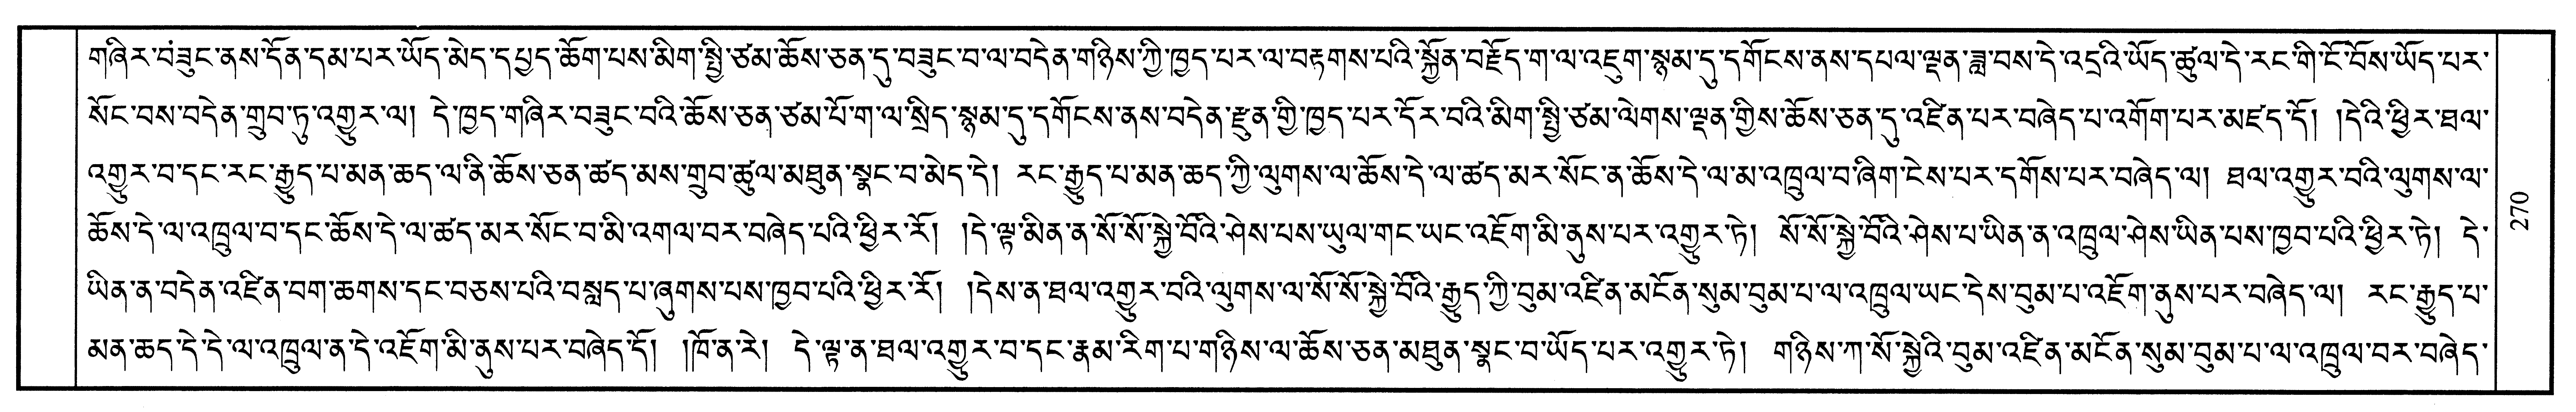གཞིར་བཟུང་ནས་དོན་དམ་པར་ཡོད་མེད་དཔྱད་ཆོག་པས་མིག་སྤྱི་ཙམ་ཆོས་ཅན་དུ་བཟུང་བ་ལ་བདེན་གཉིས་ཀྱི་ཁྱད་པར་ལ་བརྟགས་པའི་སྐྱོན་བརྗོད་ག་ལ་འཇུག་སྙམ་དུ་དགོངས་ནས་དཔལ་ལྡན་ཟླ་བས་དེ་འདྲའི་ཡོད་ཚུལ་དེ་རང་གི་ངོ་བོས་ཡོད་པར་
སོང་བས་བདེན་གྲུབ་ཏུ་འགྱུར་ལ། དེ་ཁྱད་གཞིར་བཟུང་བའི་ཆོས་ཅན་ཙམ་པོ་ག་ལ་སྲིད་སྙམ་དུ་དགོངས་ནས་བདེན་རྫུན་གྱི་ཁྱད་པར་དོར་བའི་མིག་སྤྱི་ཙམ་ལེགས་ལྡན་གྱིས་ཆོས་ཅན་དུ་འཛིན་པར་བཞེད་པ་འགོག་པར་མཛད་དོ། །དེའི་ཕྱིར་ཐལ་
འགྱུར་བ་དང་རང་རྒྱུད་པ་མན་ཆད་ལ་ནི་ཆོས་ཅན་ཚད་མས་གྲུབ་ཚུལ་མཐུན་སྣང་བ་མེད་དེ། རང་རྒྱུད་པ་མན་ཆད་ཀྱི་ལུགས་ལ་ཆོས་དེ་ལ་ཚད་མར་སོང་ན་ཆོས་དེ་ལ་མ་འཁྲུལ་བ་ཞིག་ངེས་པར་དགོས་པར་བཞེད་ལ། ཐལ་འགྱུར་བའི་ལུགས་ལ་
ཆོས་དེ་ལ་འཁྲུལ་བ་དང་ཆོས་དེ་ལ་ཚད་མར་སོང་བ་མི་འགལ་བར་བཞེད་པའི་ཕྱིར་རོ། །དེ་ལྟ་མིན་ན་སོ་སོ་སྐྱེ་བོའི་ཤེས་པས་ཡུལ་གང་ཡང་འཇོག་མི་ནུས་པར་འགྱུར་ཏེ། སོ་སོ་སྐྱེ་བོའི་ཤེས་པ་ཡིན་ན་འཁྲུལ་ཤེས་ཡིན་པས་ཁྱབ་པའི་ཕྱིར་ཏེ། དེ་
ཡིན་ན་བདེན་འཛིན་བག་ཆགས་དང་བཅས་པའི་བསླད་པ་ཞུགས་པས་ཁྱབ་པའི་ཕྱིར་རོ། །དེས་ན་ཐལ་འགྱུར་བའི་ལུགས་ལ་སོ་སོ་སྐྱེ་བོའི་རྒྱུད་ཀྱི་བུམ་འཛིན་མངོན་སུམ་བུམ་པ་ལ་འཁྲུལ་ཡང་དེས་བུམ་པ་འཇོག་ནུས་པར་བཞེད་ལ། རང་རྒྱུད་པ་
མན་ཆད་དེ་དེ་ལ་འཁྲུལ་ན་དེ་འཇོག་མི་ནུས་པར་བཞེད་དོ། །ཁོ་ན་རེ། དེ་ལྟ་ན་ཐལ་འགྱུར་བ་དང་རྣམ་རིག་པ་གཉིས་ལ་ཆོས་ཅན་མཐུན་སྣང་བ་ཡོད་པར་འགྱུར་ཏེ། གཉིས་ཀ་སོ་སྐྱེའི་བུམ་འཛིན་མངོན་སུམ་བུམ་པ་ལ་འཁྲུལ་བར་བཞེད་